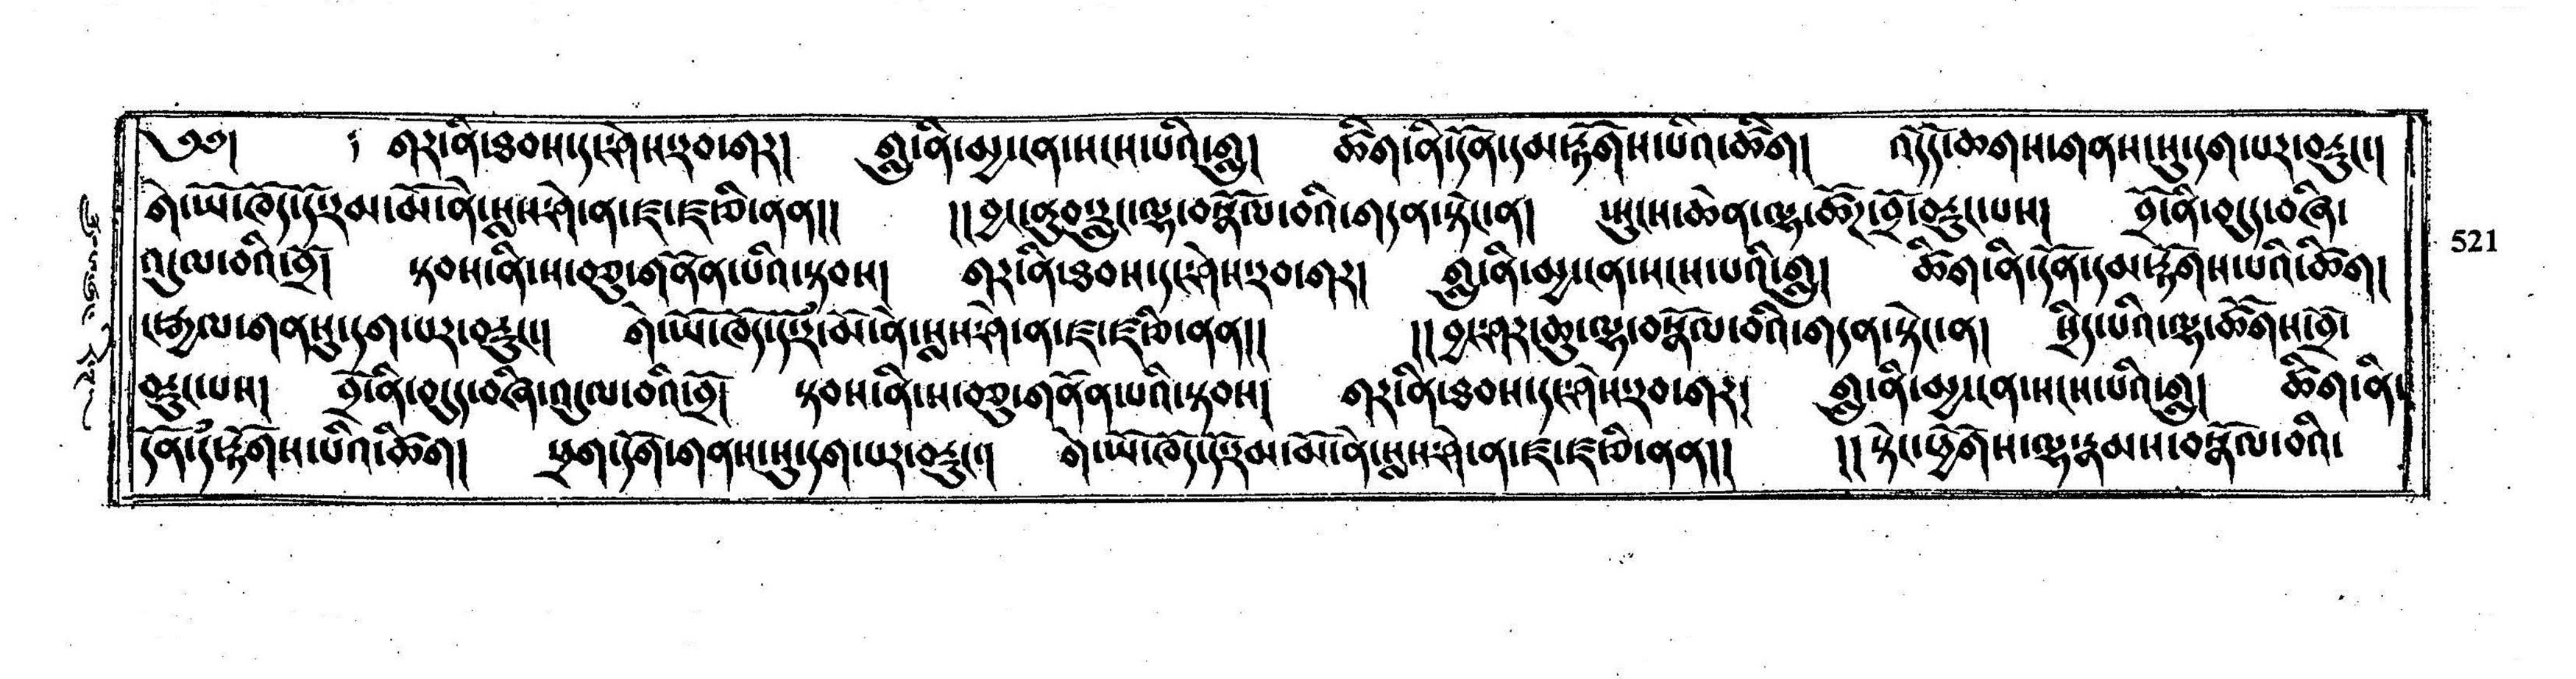གར་ནི་ཐབས་དང་ཤེས་རབ་གར། གླུ་ནི་མྱ་ངན་སངས་པའི་གླུ། ཚིག་ནི་དོན་དམ་རྟོགས་པའི་ཚིག འདོད་ཆགས་གནས་སུ་དག་པར་བརྡུང་། 
གེ་ཡོ་ཁོད་དོ་རམ་མོ་ནེ་སླས་ཤེ་ན་ཛ་ཛ་ཅི་ནན།། །།བྱང་ནུབ་རླུང་ལྷ་བསྣོལ་བའི་གདན་སྟེང་ན། སྤུངས་ཆེན་ལྷ་ཚོགས་བྲོ་བརྡུང་པས། བྲོ་ནི་བདུད་བཞི་
འདུལ་བའི་བྲོ། སྟབས་ནི་ས་བཅུ་གནོན་པའི་སྟབས། གར་ནི་ཐབས་དང་ཤེས་རབ་གར། གླུ་ནི་མྱ་ངན་སངས་པའི་གླུ། ཚིག་ནི་དོན་དམ་རྟོགས་པའི་ཚིག 
ང་རྒྱལ་གནས་སུ་དག་པར་བརྡུང་། གེ་ཡོ་ཁོད་དོ་{537}རཾ་མོ་ནེ་སླས་ཤེ་ན་ཛ་ཛ་ཅི་ནན།། །།བྱང་ཤར་ཆུ་ལྷ་བསྣོལ་བའི་གདན་སྟེང་ན། སྲིད་པའི་ལྷ་ཚོགས་བྲོ་
བརྡུང་པས། བྲོ་ནི་བདུད་བཞི་འདུལ་བའི་བྲོ། སྟབས་ནི་ས་བཅུ་གནོན་པའི་སྟབས། གར་ནི་ཐབས་དང་ཤེས་རབ་གར། གླུ་ནི་མྱ་ངན་སངས་པའི་གླུ། ཚིག་ནི་
དོན་དམ་རྟོགས་པའི་ཚིག ཕྲག་དོག་གནས་སུ་དག་པར་བརྡུང་། གེ་ཡོ་ཁོད་དོ་རམ་མོ་ནེ་སླས་ཤེ་ན་ཛ་ཛ་ཅི་ནན།། །།སྟེང་ཕྱོགས་ལྷ་རྣམས་བསྣོལ་བའི་